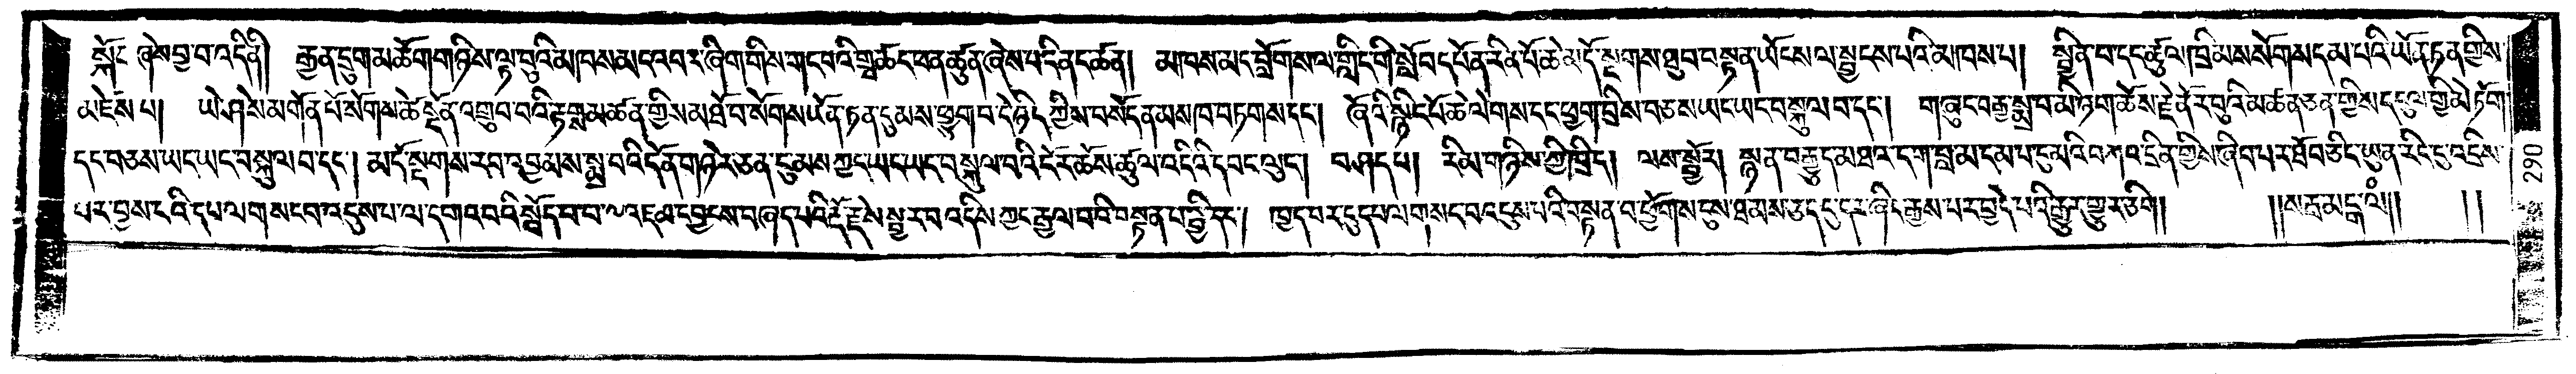སྐོང་ཞེས་བྱ་བ་འདི་ནི། རྒྱན་དྲུག་མཆོག་གཉིས་ལྟ་བུའི་མཁས་མངའ་བར་ཞིག་གིས་གང་བའི་གྲྭ་ཚང་ཕན་ཚུན་ཞེས་པའི་ནང་ཚན། མཁས་མང་བློ་གསལ་གླིང་གི་སློབ་དཔོན་རིན་པོ་ཆེ་མདོ་སྔགས་ཐུབ་བསྟན་ཡོངས་ལ་སྦྱངས་པའི་མཁས་པ། སྦྱིན་པ་དང་ཚུལ་ཁྲིམས་སོགས་དམ་པའི་ཡོན་ཏན་གྱིས་
མཛེས་པ། ཡེ་ཤེས་མགོན་པོ་སོགས་ཚེ་སྔོན་འགྲུབ་པའི་རྟགས་མཚན་གྱིས་མཐོ་བ་སོགས་ཡོན་ཏན་དུ་མས་ཕྱུག་པ་དེ་ཉིད་ཀྱིས་བསོད་ནམས་ཁ་བཏགས་དང་། ཞོའི་སྙིང་པོ་ཆེ་ལེགས་དང་ཕྱག་བྲིས་བཅས་ཡང་ཡང་བསྐུལ་བ་དང་། གཞུང་བརྒྱ་སྨྲ་བ་མི་ཉག་ཆོས་རྗེ་ནོར་བུའི་མཚན་ཅན་གྱིས་དངུལ་གྱི་མེ་ཏོག་
དང་བཅས་ཡང་ཡང་བསྐུལ་བ་དང་། མདོ་སྔགས་རབ་འབྱམས་སྨྲ་བའི་དོན་གཉེར་ཅན་དུ་མས་ཀྱང་ཡང་ཡང་བསྐུལ་བའི་ངོར་ཆོས་ཚུལ་འདིའི་དབང་ལུང་། བཤད་པ། རིམ་གཉིས་ཀྱི་ཁྲིད། ལས་སྦྱོར། སྙན་བརྒྱུད་མཐའ་དག་བླ་མ་དམ་པ་དུ་མའི་བཀའ་དྲིན་གྱིས་ཞིབ་པར་ཐོབ་ཅིང་ཡུན་རིང་དུ་འདྲིས་
པར་བྱས་ངའི་དཔལ་གསང་བ་འདུས་པ་ལ་དགའ་བའི་སྤོད་པ་པ་༧་འཇམ་དབྱངས་བཞད་པའི་རྡོ་རྗེས་སྦྱར་བ་འདིས་ཀྱང་རྒྱལ་བའི་བསྟན་པ་སྤྱི་དང་། ཁྱད་པར་དུ་དཔལ་གསང་བ་འདུས་པའི་བསྟན་བ་ཕྱོགས་དུས་ཐམས་ཅད་དུ་དར་ཞིང་རྒྱས་པར་བྱེད་པའི་རྒྱུར་གྱུར་ཅིག། །།སརྦ་མངྒ་ལཾ།། །།